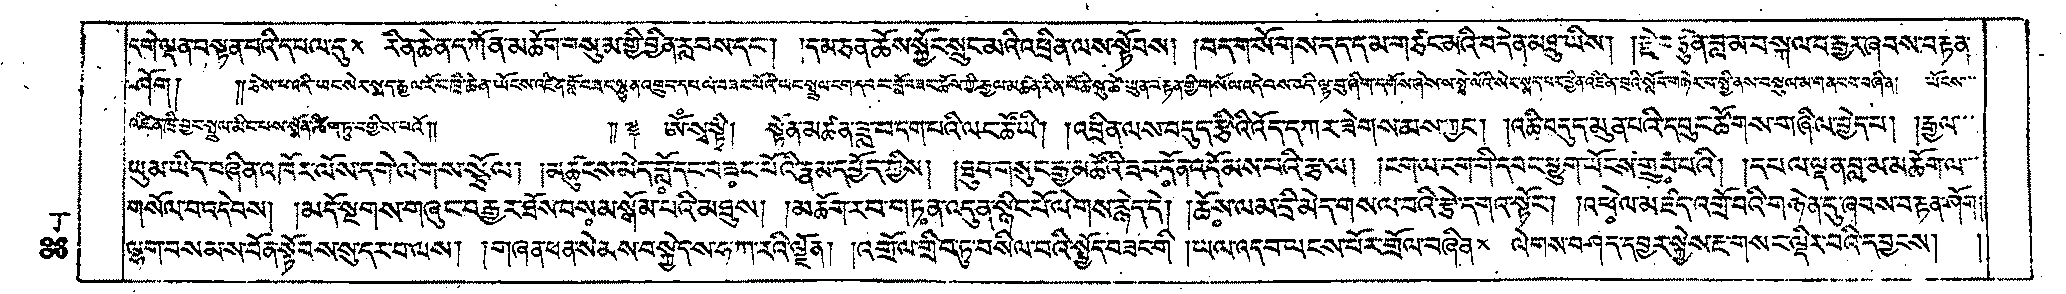དགེ་ལྡན་བསྟན་པའི་དཔལ་དུ་྾་རིན་ཆེན་དཀོན་མཆཽག་གསུམ་གྱི་བྱིན་རླབས་དང་། །དམ་ཅན་ཆོས་སྐྱོང་སྲུང་མའི་འཕྲིན་ལས་སྟོབས། །བདག་སོགས་དད་དམ་གཙང་མའི་བདེན་མཐུ་ཡིས། །རྗེ་བཙུན་བླ་མ་བསྐལ་བརྒྱར་ཞབས་བརྟན་
ཤོག། །།ཅེས་པའི་འདི་ཡན་སེར་སྨད་རྒྱལ་རོང་ཁྲི་ཆེན་ཡོངས་འཛིན་བློ་བཟང་ལྷུན་འགྲུབ་དཔལ་བཟང་པོའི་ཡང་སྤྲུལ་ངང་དབང་བློ་བཟང་ཆོས་ཀྱི་རྒྱལ་མཚན་རིན་པོ་ཆེ་སྐུ་ཚེ་ཡུན་བརྟན་གྱི་གསོལ་འདེབས་འདི་ལྟ་བུ་ཞིག་དགོས་ཞེས་ས་སྤེལ་ལོའི་སེར་སྨ་ཕར་ཕྱིན་འཛིན་གྲའི་སློབ་གཉེར་བ་སྤྱི་ནས་བསྐུལ་མ་གནང་བ་བཞིན། །ཡོངྶ་་་
འཛིན་ཁྲི་བྱང་སྤྲུལ་མིང་པས་སྨོན་ཚིག་ཏུ་བགྱིས་པའོ།། །། འ་ཨོཾ་སྭསྟི། སྟོན་མཚན་ཟླ་བ་དག་པའི་ལང་ཚོ་ཡི། །འཕྲིན་ལས་བདུད་རྩིའི་འོད་དཀར་ཟེགས་མས་ཀྱང་། །འཆི་བདུད་མུན་པའི་དཔུང་ཚོགས་བཞི་ལ་བྱེད་པ། །རྒྱལ་་་
ཡུམ་ཡིད་བཞིན་འཁོར་ལོས་དགེ་ལེགས་སྩོལ། །མཚུངས་མེད་བློ་དང་བཟང་པོའི་རྣམ་དཔྱོད་ཀྱིས། །ཐུབ་གསུང་རྒྱ་མཚོའི་ཟབ་དོན་འདོམས་པའི་རྩལ། །ངག་ལ་ངག་གི་དབང་ཕྱུག་ཡོངས་གྲུབ་པའི། །དཔལ་ལྡན་བླ་མ་མཆོག་ལ་་་
གསོལ་བ་འདེབས། །མདོ་སྔགས་གཞུང་བརྒྱར་ཐོས་བསམ་སྒོམ་པའི་མཐུས། །མཆོག་རབ་གཏན་འདུན་སྙིང་པོ་ལེགས་རྙེད་དེ། །ཆོས་ལ་ནི་དྲི་མེད་གསལ་བའི་རྩེ་དགའ་སྟོང་། །འཕེལ྾་མཛད་འགྲོ་བའི་གཉེན་དུ་ཞབས་བསྟན་ཤོག།།
ལྷག་བསམ་ས་བོན་སྟོབས་སུ་དར་བ་ལས། །གཞན་ཕན་སེམས་བསྐྱེད་ས་ཧ་ཀ་རའི་ལྗོན། །འགྲོ་ལ་གྲིབ་ཏུ་བསིལ་བའི་སྤྱོད་བཟང་གི། །ཡལ་འདབ་ཡངས་པོར་གྲོལ་བཞིན་྾་ལེགས་བཤད་དབྱར་སྐྱེས་རྔ་གསང་ལྡིར་བའི་དབྱངས། །